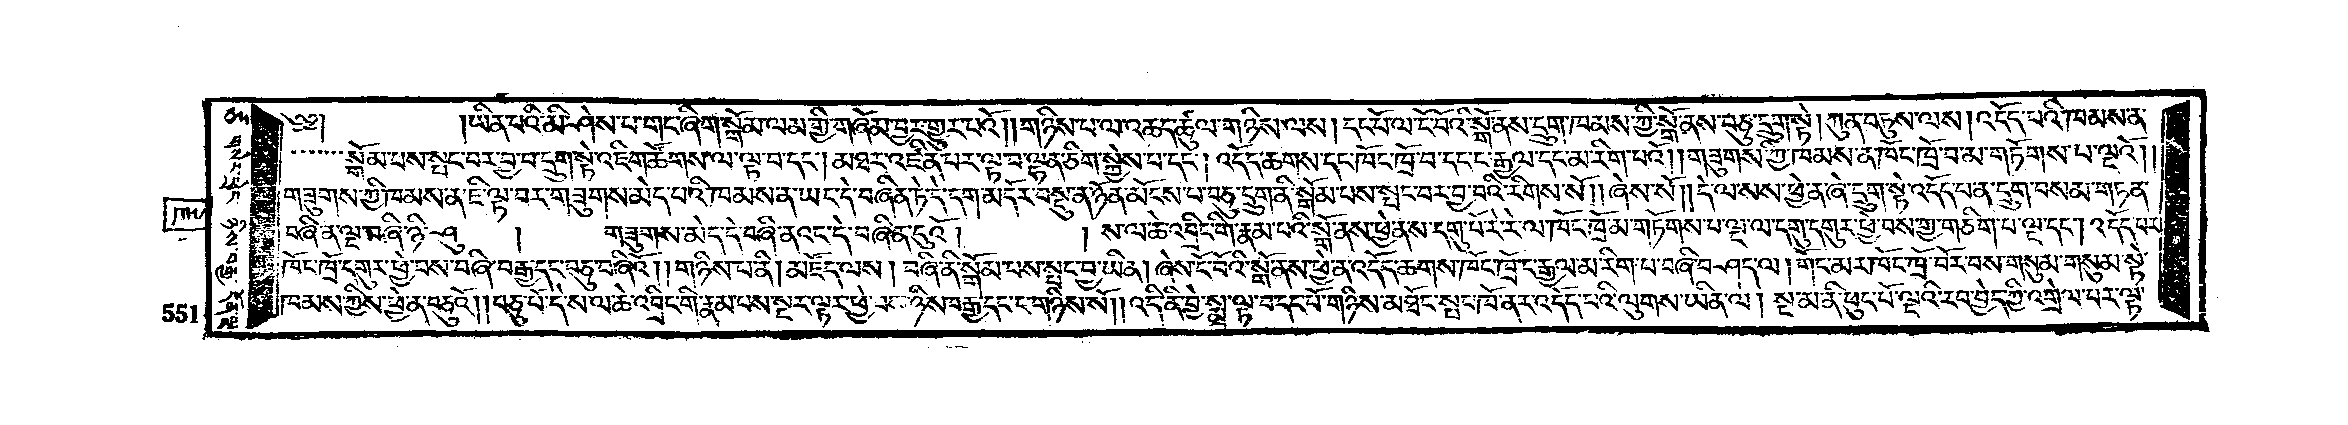༄༅། །ཡིན་པའི་མི་ཤེས་པ་གང་ཞིག་སྒོམ་ལམ་གྱི་གཞོམ་བྱར་གྱུར་པའོ། །གཉིས་པ་ལ་འཆད་ཚུལ་གཉིས་ལས། དང་པོ་ལ་ངོ་བོའི་སྒོ་ནས་དྲུག་ཁམས་ཀྱི་སྒོ་ནས་བཅུ་དྲུག་སྟེ། ཀུན་བཏུས་ལས། འདོད་པའི་ཁམས་ན་
སྒོམ་པས་སྤང་བར་བྱ་བ་དྲུག་སྟེ་འཇིག་ཚོགས་ལ་ལྟ་བ་དང་། མཐར་འཛིན་པར་ལྟ་བ་ལྷན་ཅིག་སྐྱེས་པ་དག། འདོད་ཆགས་དང་ཁོང་ཁྲོ་བ་དང་ང་རྒྱལ་དང་མ་རིག་པའོ། །གཟུགས་ཀྱི་ཁམས་ན་ཁོང་ཁྲོ་བ་མ་གཏོགས་པ་ལྔའོ། །
གཟུགས་ཀྱི་ཁམས་ན་ཇི་ལྟ་བ་གཟུགས་མེད་པའི་ཁམས་ན་ཡང་དེ་བཞིན་ཏེ་དེ་དག་མདོར་བསྡུ་ན་ཉོན་མོངས་པ་བཅུ་དྲུག་ནི་སྒོམ་པས་སྤང་བར་བྱ་བའི་རིགས་སོ། །ཞེས་སོ། །དེ་ལ་སས་ཕྱེ་ན་ཞེ་དྲུག་སྟེ་འདོད་པ་ན་དྲུག་བསམ་གཏན་
བཞི་ལྔ་བཞི་ཉི་ཤུ། གཟུགས་མེད་དེ་བཞི་ནའང་དེ་བཞིན་དུའོ། །ས་ལ་ཆེ་འབྲིང་གི་རྣམ་པའི་སྒོ་ནས་ཕྱེ་ནས་དགུ་པོ་རེ་རེ་ལ་ཁོང་ཁྲོ་མ་གཏོགས་པ་ལྔ་ལ་དགུ་དགུར་ཕྱེ་བས་གྱ་གཅིག་པ་ལྔ་དང་། འདོད་པར་
ཁོང་ཁྲོ་དགུ་ཕྱེ་བས་བཞི་བརྒྱ་དང་བཅུ་བཞིའོ། །གཉིས་པ་ནི། མཛོད་ལས། བཞི་ནི་སྒོམ་པས་སྤང་བྱ་ཡིན། ཞེས་ངོ་བོའི་སྒོ་ནས་ཕྱེ་ན་འདོད་ཆགས་ཁོང་ཁྲོ་ང་རྒྱལ་མ་རིག་པ་བཞི་བཤད་ལ། གོང་མར་ཁོང་ཁྲོ་བོར་བས་གསུམ་གསུམ་སྟེ་
ཁམས་ཀྱིས་ཕྱེ་ན་བཅུའོ། །བཅུ་པོ་དེ་ས་ལ་ཆེ་འབྲིང་གི་རྣམ་པས་སྔར་ལྟར་ཕྱེ་བས་ཉིས་བརྒྱ་དང་ང་གཉིས་སོ། །འདི་ནི་བྱེ་སྨྲ་ལྟ་བ་དང་པོ་གཉིས་མཐོང་སྤང་ཁོ་ནར་འདོད་པའི་ལུགས་ཡིན་ལ། སྔ་མ་ནི་ཕུང་པོ་ལྔའི་རབ་བྱེད་ཀྱི་འགྲེལ་པར་ལྟ་